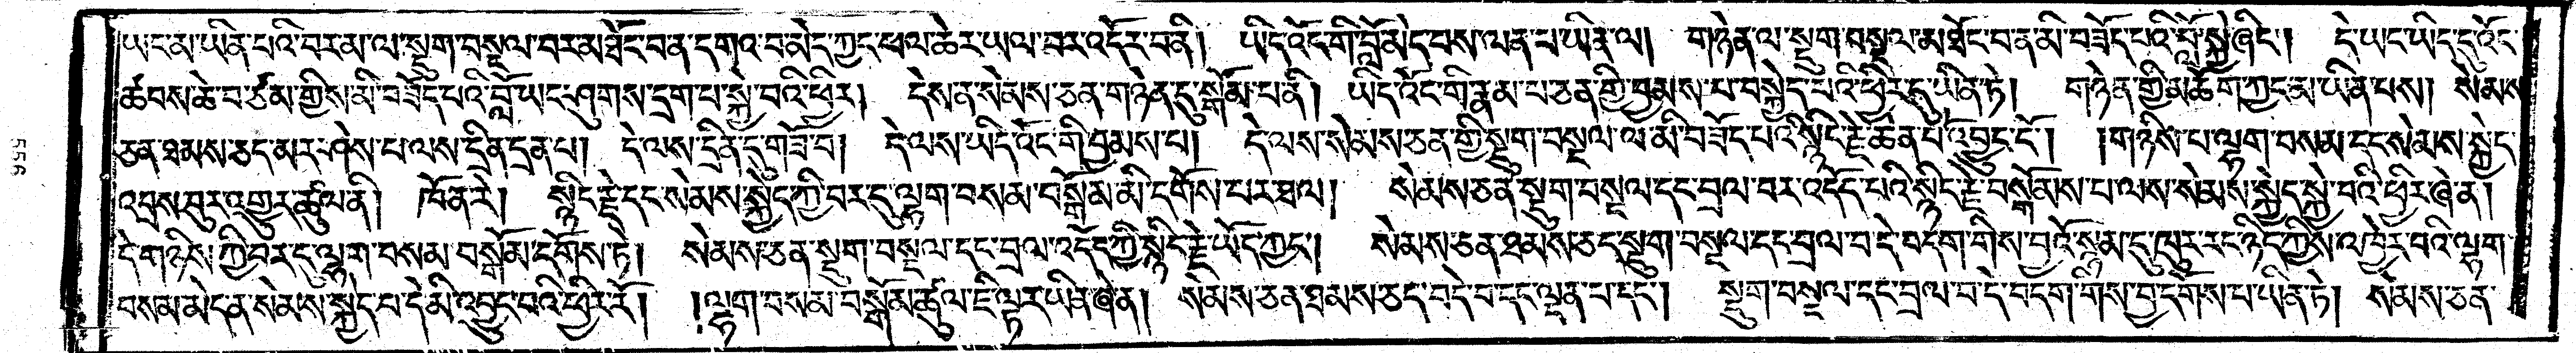ཡང་མ་ཡིན་པའི་བར་མ་ལ་སྡུག་བསྔལ་བར་མཐོང་བ་ན་དགའ་བ་མེད་ཀྱང་ཕལ་ཆེར་ཡལ་བར་འདོར་བ་ནི། ཡིད་འོད་གི་བློ་མེད་པས་ལན་པ་ཡིན་ལ། གཉེན་ལ་སྡུག་བསྔལ་མཐོང་བ་ན་མི་བཟོད་པའི་བློ་སྐྱེ་ཞིང་། དེ་ཡང་ཡིད་དུ་འོང་
ཚབས་ཆེ་བ་ཙམ་གྱིས་མི་བཟོད་པའི་བློ་ཡང་ཤུགས་དྲག་པ་སྐྱེ་བའི་ཕྱིར། དེས་ན་སེམས་ཅན་གཉེན་དུ་སྒོམ་པ་ནི། ཡིད་འོད་གི་རྣམ་པ་ཅན་གྱི་བྱམས་པ་བསྐྱེད་པའི་ཕྱིར་དུ་ཡིན་ཏེ། གཉེན་གྱི་མཆོག་ཀྱང་མ་ཡིན་པས། སེམས་
ཅན་ཐམས་ཅད་མར་ཤེས་པ་ལས་དྲིན་དྲན་པ། དེ་ལས་དྲིན་དུ་གཟོ་བ། དེ་ལས་ཡིད་འོང་གི་བྱམས་པ། དེ་ལས་སེམས་ཅན་གྱི་སྡུག་བསྔལ་ལ་མི་བཟོད་པའི་སྙིང་རྗེ་ཆེན་པོ་འབྱུང་ངོ། །གཉིས་པ་ལྷག་བསམ་དང་སེམས་སྐྱེད་
འབྲས་བུར་འགྱུར་ཚུལ་ནི། ཁོ་ན་རེ། སྙིང་རྗེ་དང་སེམས་སྐྱེད་ཀྱི་བར་དུ་ལྷག་བསམ་བསྒོམ་མི་དགོས་པར་ཐལ། སེམས་ཅན་སྡུག་བསྔལ་དང་བྲལ་བར་འདོད་པའི་སྙིང་རྗེ་བསྒོམས་པ་ལས་སེམས་སྐྱེད་སྐྱེ་བའི་ཕྱིར་ཞེ་ན།
དེ་གཉིས་ཀྱི་བར་དུ་ལྷག་བསམ་བསྒོམ་དགོས་ཏེ། སེམས་ཅན་སྡུག་བསྔལ་དང་བྲལ་འདོད་ཀྱི་སྙིང་རྗེ་ཡོད་ཀྱང་། སེམས་ཅན་ཐམས་ཅད་སྡུག་བསྔལ་དང་བྲལ་བ་དེ་བདག་གིས་བྱའོ་སྙམ་དུ་ཁུར་རང་ཉིད་ཀྱིས་འཁྱེར་བའི་ལྷག་
བསམ་མེད་ན་སེམས་སྐྱེད་པ་དེ་མི་འབྱུང་བའི་ཕྱིར་རོ། །ལྷག་བསམ་བསྒོམ་ཚུལ་ཇི་ལྟར་ཡིན་ཞེ་ན། སེམས་ཅན་ཐམས་ཅད་བདེ་བ་དང་ལྡན་པ་དང་། སྡུག་བསྔལ་དང་བྲལ་བ་དེ་བདག་གིས་བྱ་དགོས་པ་ཡིན་ཏེ། སེམས་ཅན་